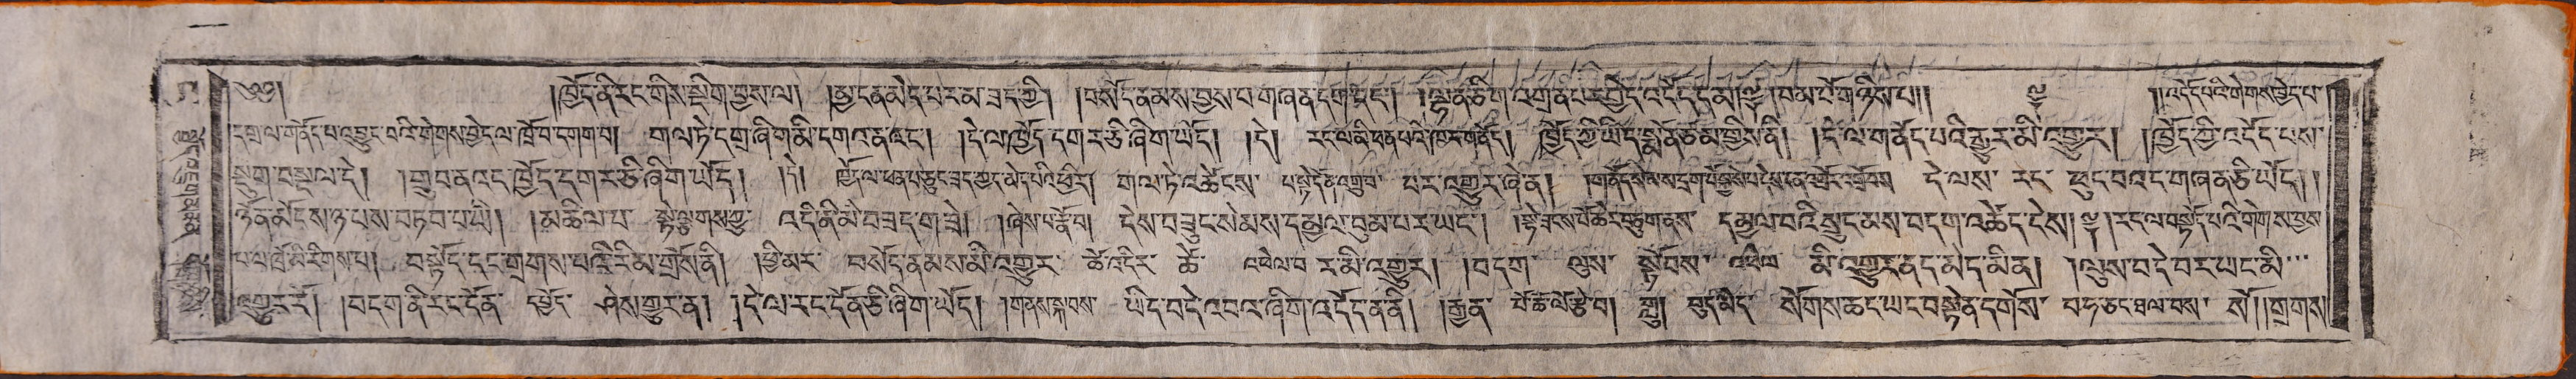༄༅། །ཁྱོད་ནི་རང་གིས་སྡིག་བྱས་ལ། །མྱ་ངན་མེད་པར་མ་ཟད་ཀྱི། །བསོད་ནམས་བྱས་པ་གཞན་དག་དང་། །ལྷན་ཅིག་འགྲན་པར་བྱེད་འདོད་དམ། ༈ །བམ་པོ་གཉིས་པ། ། ༈ །།འདོད་བའི་གེགས་བྱེད་པ་
དགྲ་ལ་གནོད་པ་འབྱུང་བའི་གེགས་བྱེད་ལ་ཁྲོ་བ་དགག་པ། གལ་ཏེ་དགྲ་ཞིག་མི་དགའ་ནའང་། །དེ་ལ་ཁྱོད་དགར་ཅི་ཞིག་ཡོད། །དེ། རང་ལ་མི་ཕན་པའི་བར་གནོད།  ཁྱོད་ཀྱི་ཡིད་སྨོན་ཙམ་གྱིས་ནི། །དེ་ལ་གནོད་པའི་རྒྱུར་མི་འགྱུར། །ཁྱོད་ཀྱི་འདོད་པས་
སྡུག་བསྔལ་དེ། །གྲུབ་ནའང་ཁྱོད་དགར་ཅི་ཞིག་ཡོད། །དེ། ཁྱོད་ལ་ཕན་པ་ཅུང་ཟད་ཀྱང་མེད་པའི་ཕྱིར།  གལ་ཏེ་འཚེངས་པ་སྟེ་དོན་འགྲུབ་པར་འགྱུར་ཞེ་ན། །གནོད་སེམས་དྲག་པོ་སྐྱེས་པ་ངེས་ངན་འགྲོར་འགྲོ་བས་དེ་ལས་རང་ཕུང་བའང་གཞན་ཅི་ཡོད། །
ཉོན་མོངས་ཉ་པས་བཏབ་པ་ཡི། །མཆིལ་པ་སྟེ་ལྕགས་ཀྱུ་འདི་ནི་མི་བཟད་གཟེ། །ཞེས་པ་རྣ་བ།  དེས་བཟུང་སེམས་དམྱལ་བུམ་པར་ཡང་། །སྟེ་ཟངས་པོ་ཆེར་བཅུག་ནས་དམྱལ་བའི་སྲུང་མས་བདག་འཚེད་ངེས། ༈ །རང་ལ་བསྟོད་པའི་གེགས་བྱས་
པ་ལ་ཁྲོ་མི་རིགས་པ། བསྟོད་དང་གྲགས་པའི་རིམ་གྲོས་ནི། །ཕྱི་མར།  བསོད་ནམས་མི་འགྱུར་ཚེ་འདིར་ཚེ་འཕེལ་བར་མི་འགྱུར། །བདག་ལུས་སྟོབས་འཕེལ་མི་འགྱུར་ནད་མེད་མིན། །ལུས་བདེ་བར་ཡང་མི་
འགྱུར་རོ། །བདག་ནི་རང་དོན་དཔྱོད་ཤེས་གྱུར་ན། །དེ་ལ་རང་དོན་ཅི་ཞིག་ཡོད། །གནས་སྐབས་ཡིད་བདེ་འབའ་ཞིག་འདོད་ན་ནི། །རྒྱན་པོ་ཆོ་ལོ་རྩེ་བ། གླུ། བུད་མེད་སོགས་ཆང་ཡང་བསྟེན་དགོས་པ་ཧ་ཅང་ཐལ་བས་སོ། །གྲགས་